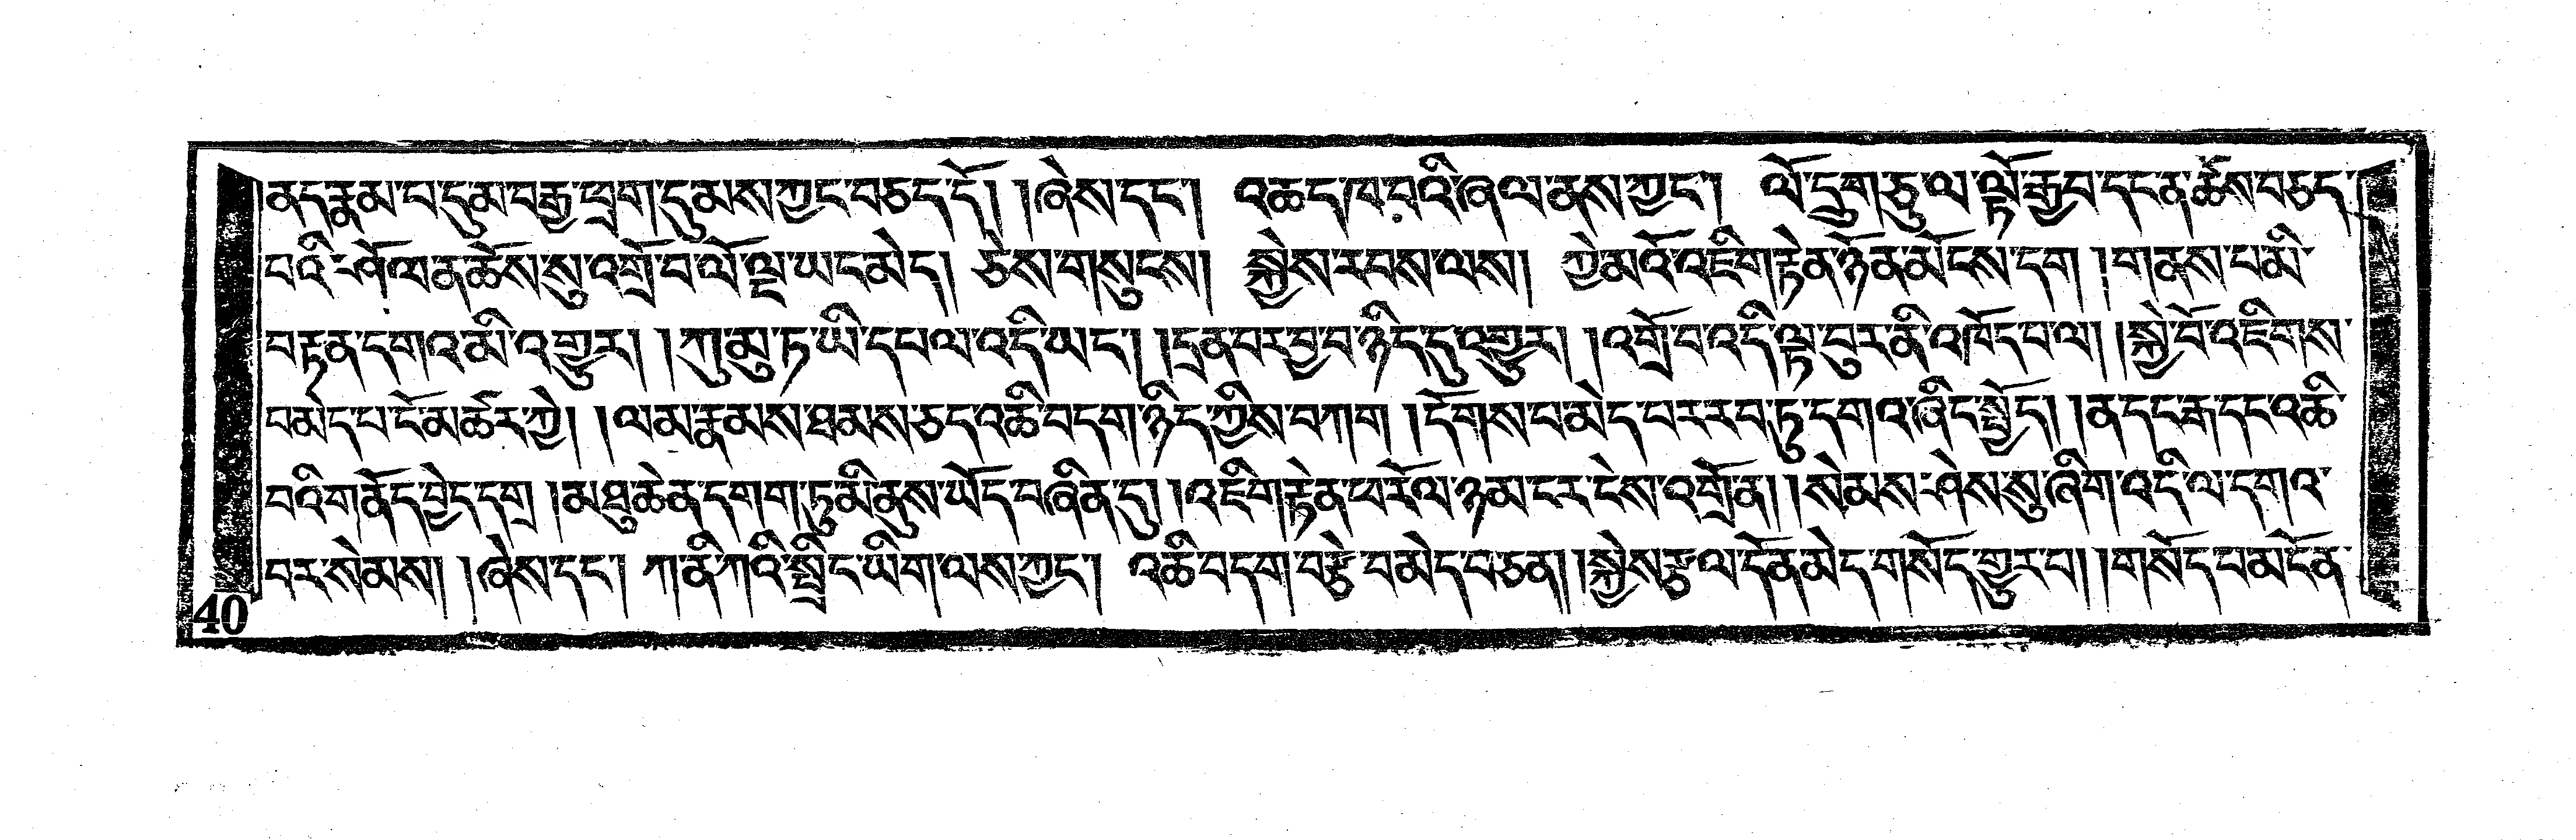ནད་རྣམ་པ་དུ་མ་བརྒྱ་ཕྲག་དུ་མས་ཀྱང་བཅད་དོ། །ཞེས་དང་། འཆད་ཁ་བའི་ཞལ་ནས་ཀྱང་། ལོ་དྲུག་ཅུ་ལ་ལྟོ་རྒྱབ་དང་ན་ཆོས་བཅད་
པའི་ཤོལ་ན་ཆོས་སུ་འགྲོ་བ་ལོ་ལྔ་ཡང་མེད། ཅེས་གསུངས། སྐྱེས་རབས་ལས། ཀྱེ་མའོ་འཇིག་རྟེན་ཉོན་མོངས་དག །གནས་པ་མི་
བརྟན་དགའ་མི་འགྱུར། །ཀུ་མུ་ཏ་ཡི་དཔལ་འདི་ཡང་། །དྲན་པར་བྱ་བ་ཉིད་དུ་འགྱུར། །འགྲོ་བ་འདི་ལྟ་བུར་ནི་འཁོད་པ་ལ། །སྐྱེ་བོ་འཇིགས་
པ་མེད་པ་ངོ་མཚར་ཀྱེ། །ལམ་རྣམས་ཐམས་ཅད་འཆི་བདག་ཉིད་ཀྱིས་བཀག །དོགས་པ་མེད་པར་རབ་ཏུ་དགའ་ཞིང་སྤྱོད། །ན་དང་རྒ་དང་འཆི་
བའི་གནོད་བྱེད་དགྲ་།མཐུ་ཆེན་དགག་ཏུ་མི་ནུས་ཡོད་བཞིན་དུ། །འཇིག་རྟེན་ཕ་རོལ་ཉམ་ངར་ངེས་འགྲོ་ན། །སེམས་ཤེས་སུ་ཞིག་འདི་ལ་དགའ་
བར་སེམས། །ཞེས་དང་། ཀ་ནི་ཀའི་སྤྲིང་ཡིག་ལས་ཀྱང་། འཆི་བདག་བརྩེ་བ་མེད་པ་ཅན། །སྐྱེས་རྩལ་དོན་མེད་གསོད་གྱུར་པ། །གསོད་པ་མངོན་